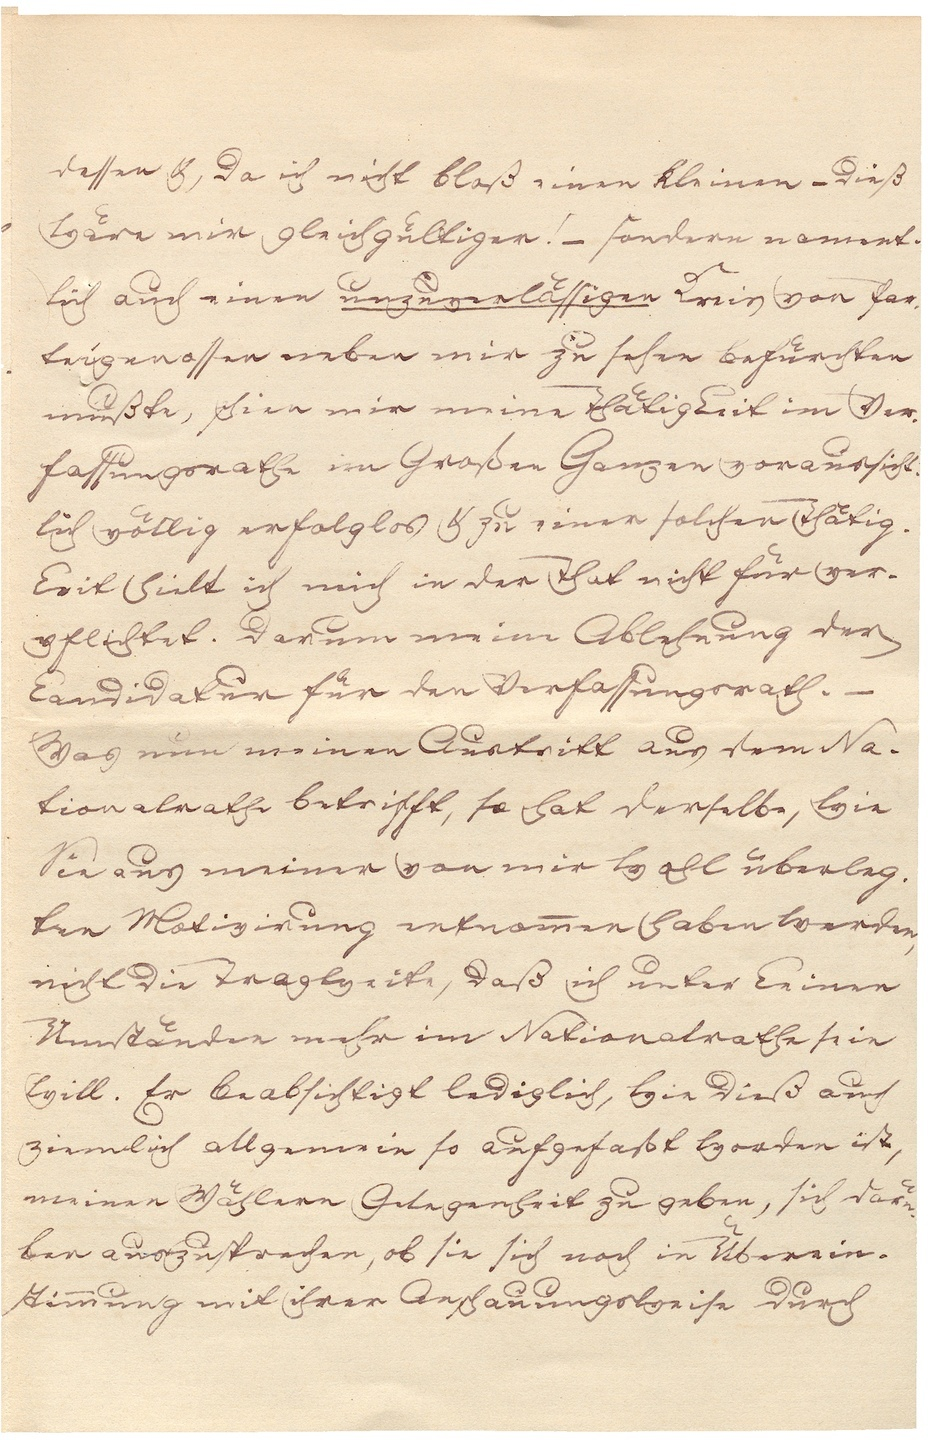dessen &, da ich nicht bloß einen kleinen – dieß
wäre mir gleichgültiger! – sondern nament-
lich auch einen unzuverlässigen Kreis von Par-
teigenossen neben mir zu haben befürchten
mußte, schien mir meine Thätigkeit im Ver-
fassungsrathe im Großen Ganzen voraussicht-
lich völlig erfolglos & zu einer solchen Thätig-
keit hielt ich mich in der That nicht für ver-
pflichtet. Darum meine Ablehnung der
Candidatur für den Verfassungsrath. –
Was nun meinen Austritt aus dem Na-
tionalrathe betrifft, so hat derselbe, wie
Sie aus meiner von mir wohl überleg-
ten Motivirung entnommen haben werden,
nicht die Tragweite, daß ich unter keinen
Umständen mehr im Nationalrathe sein
will. Er beabsichtigt lediglich, wie dieß auch
ziemlich allgemein so aufgefaßt worden ist,
meinen Wählern Gelegenheit zu geben, sich darü-
ber auszusprechen, ob sie sich noch in Überein-
stimmung mit ihrer Anschauungsweise durch